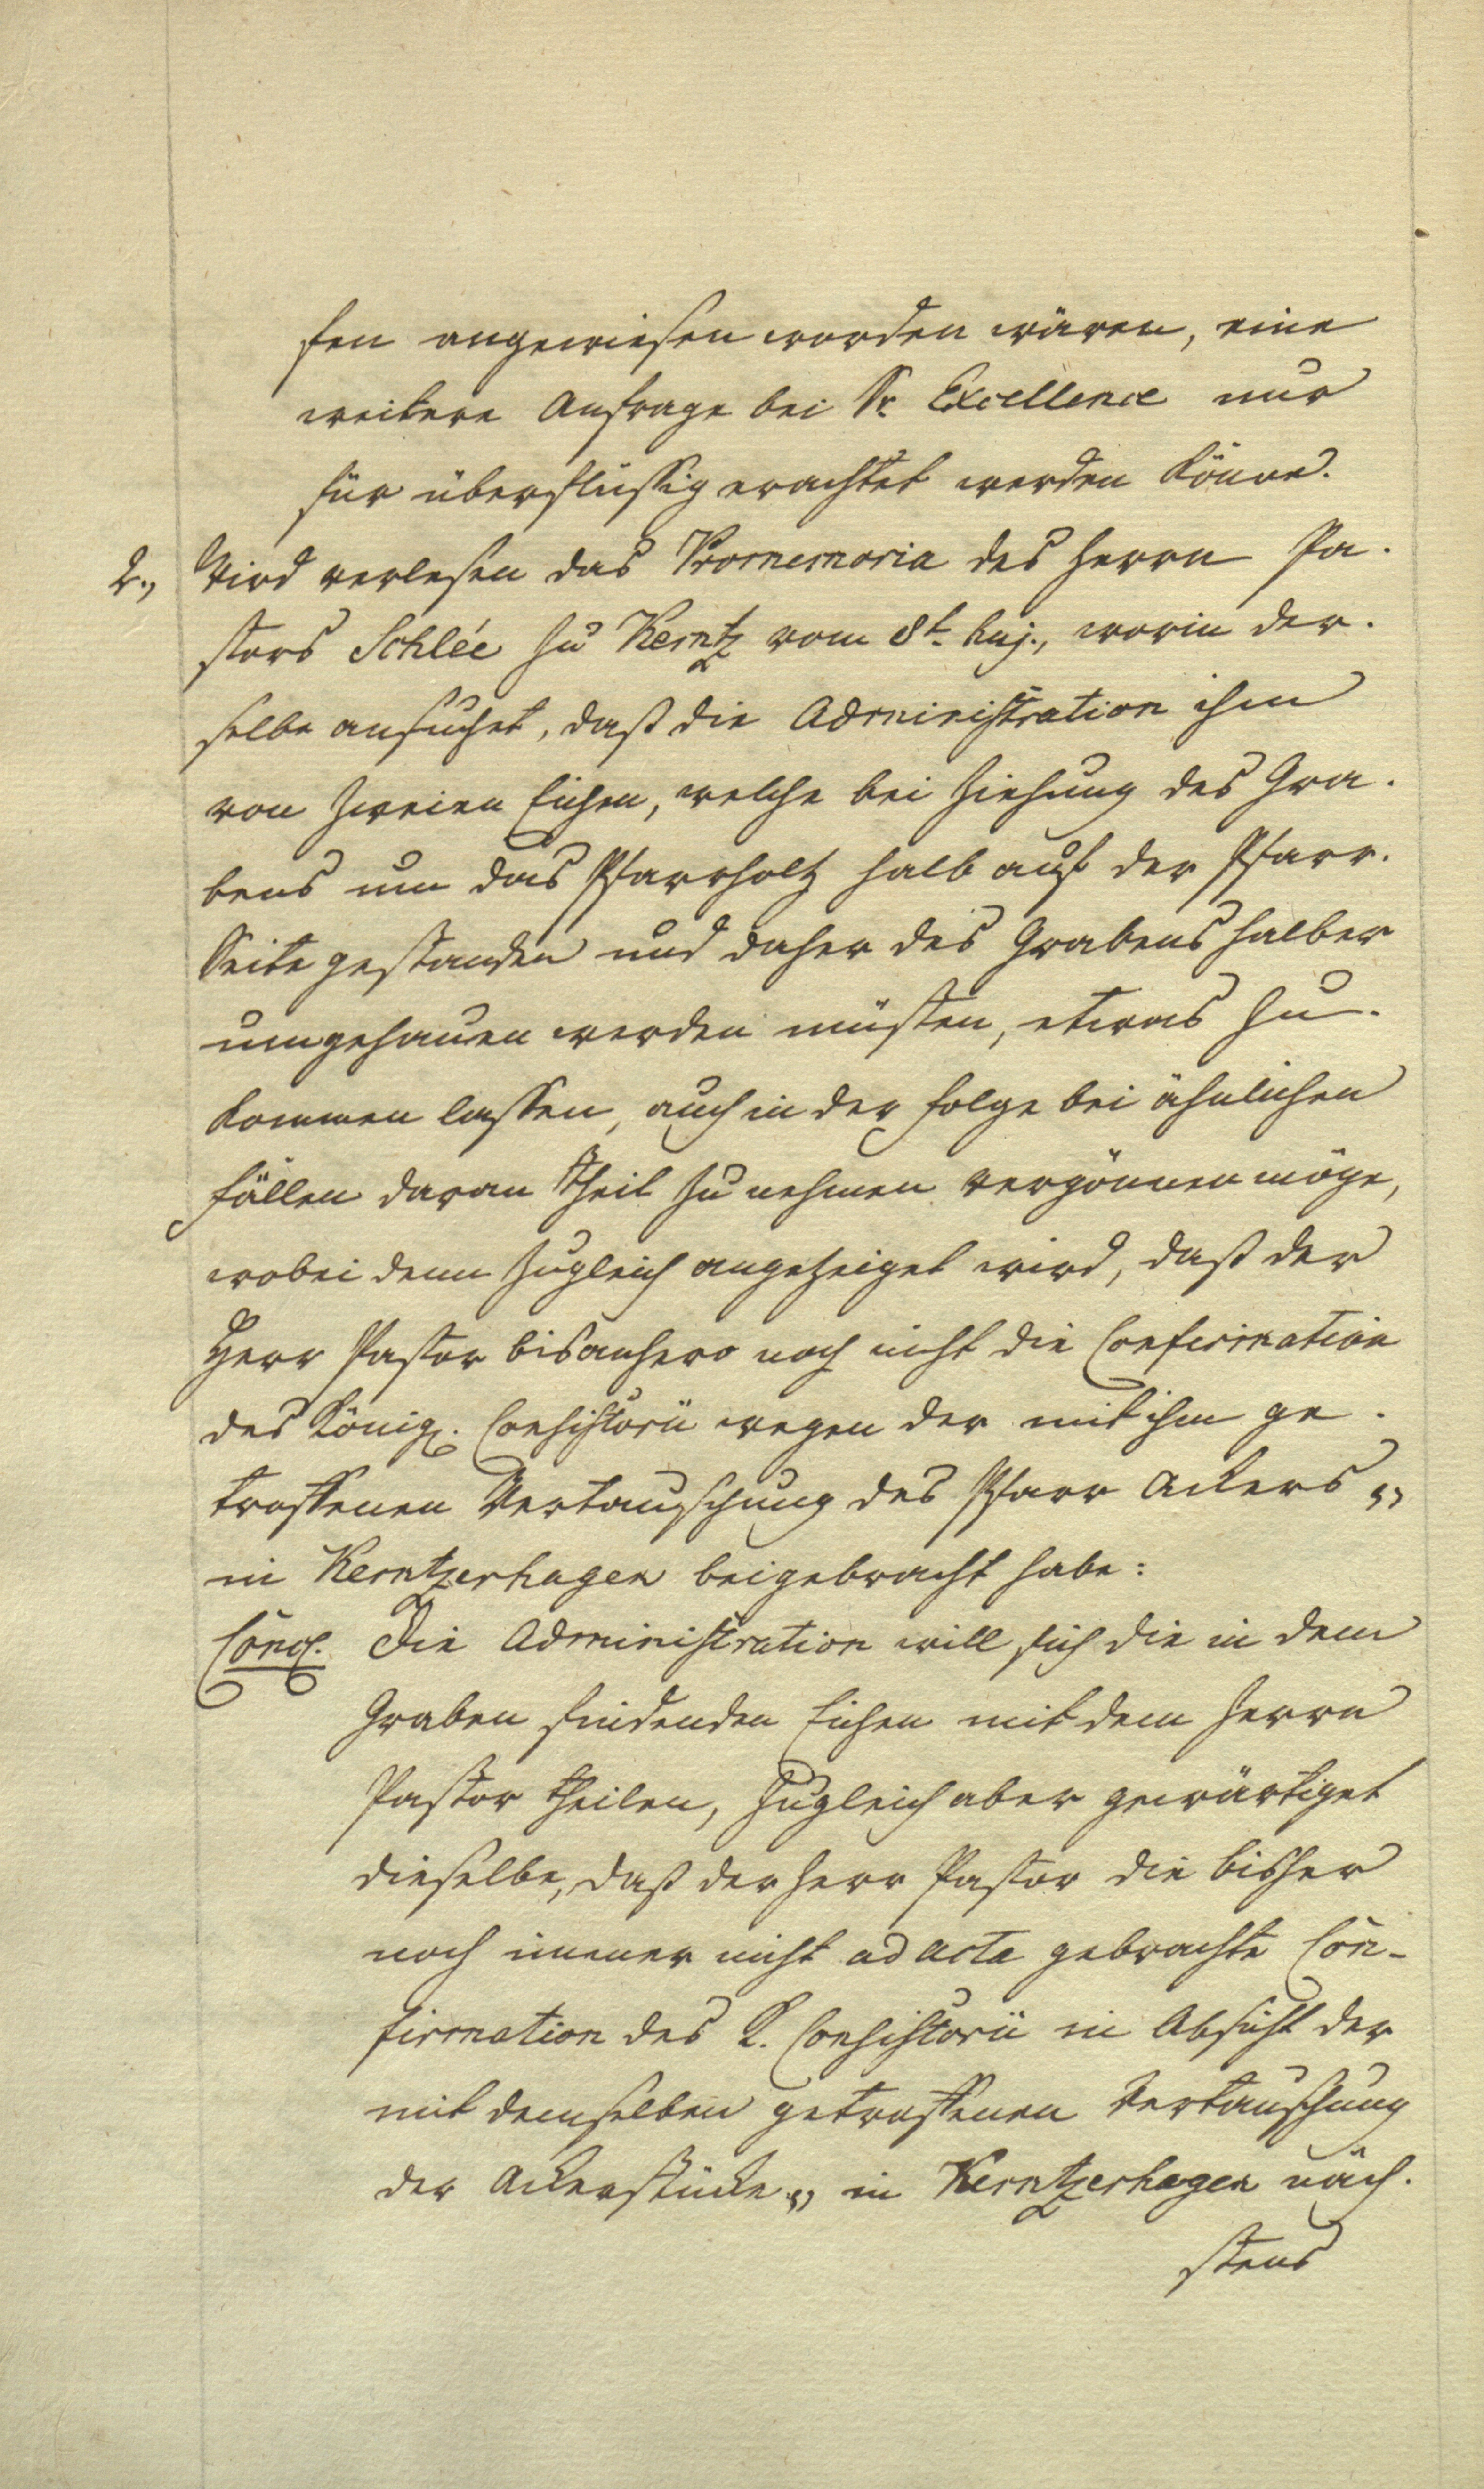fen angewiesen worden wären, eine
weitere Anfrage bei Sr Excellence nur
für überflüssig erachtet werden könne.
2., Wird verlesen das Promemoria des Herrn Pa¬
stors Schlée zu Kemtz vom 8 t huj., worin der¬
selbe ansuchet, daß die Administration ihm
von zweien Eichen, welche bei Ziehung des Gra¬
bens um das Pfarrholz halb auf der Pfarr¬
Seite gestanden und daher des Grabens halber
eingehen werden müsten, etwas zu¬
kommen lassen, auch in der Folge bei ähnlichen
Fällen daran Theil zu nehmen vergönnen möge,
wobei denn zugleich angezeiget wird, daß der
Herr Pastor bisanhero noch nicht die Confirmation
des Königl. Consistorii wegen der mit ihm ge¬
troffenen Vertauschung des Pfarr Ackers
in Kemtzerhagen beigebracht habe:
Concl. Die Administration will sich die in dem
Graben findenden Eichen mit dem Herrn
Pastor theilen, zugleich aber gewärtiget
dieselbe, daß der Herr Pastor die bisher
noch immer nicht ad acta gebrachte Con¬
firmation des K. Consistorii in Absicht der
mit demselben getroffenen Vertauschung
der Ackerstücke in Kemtzerhagen näch¬
stens